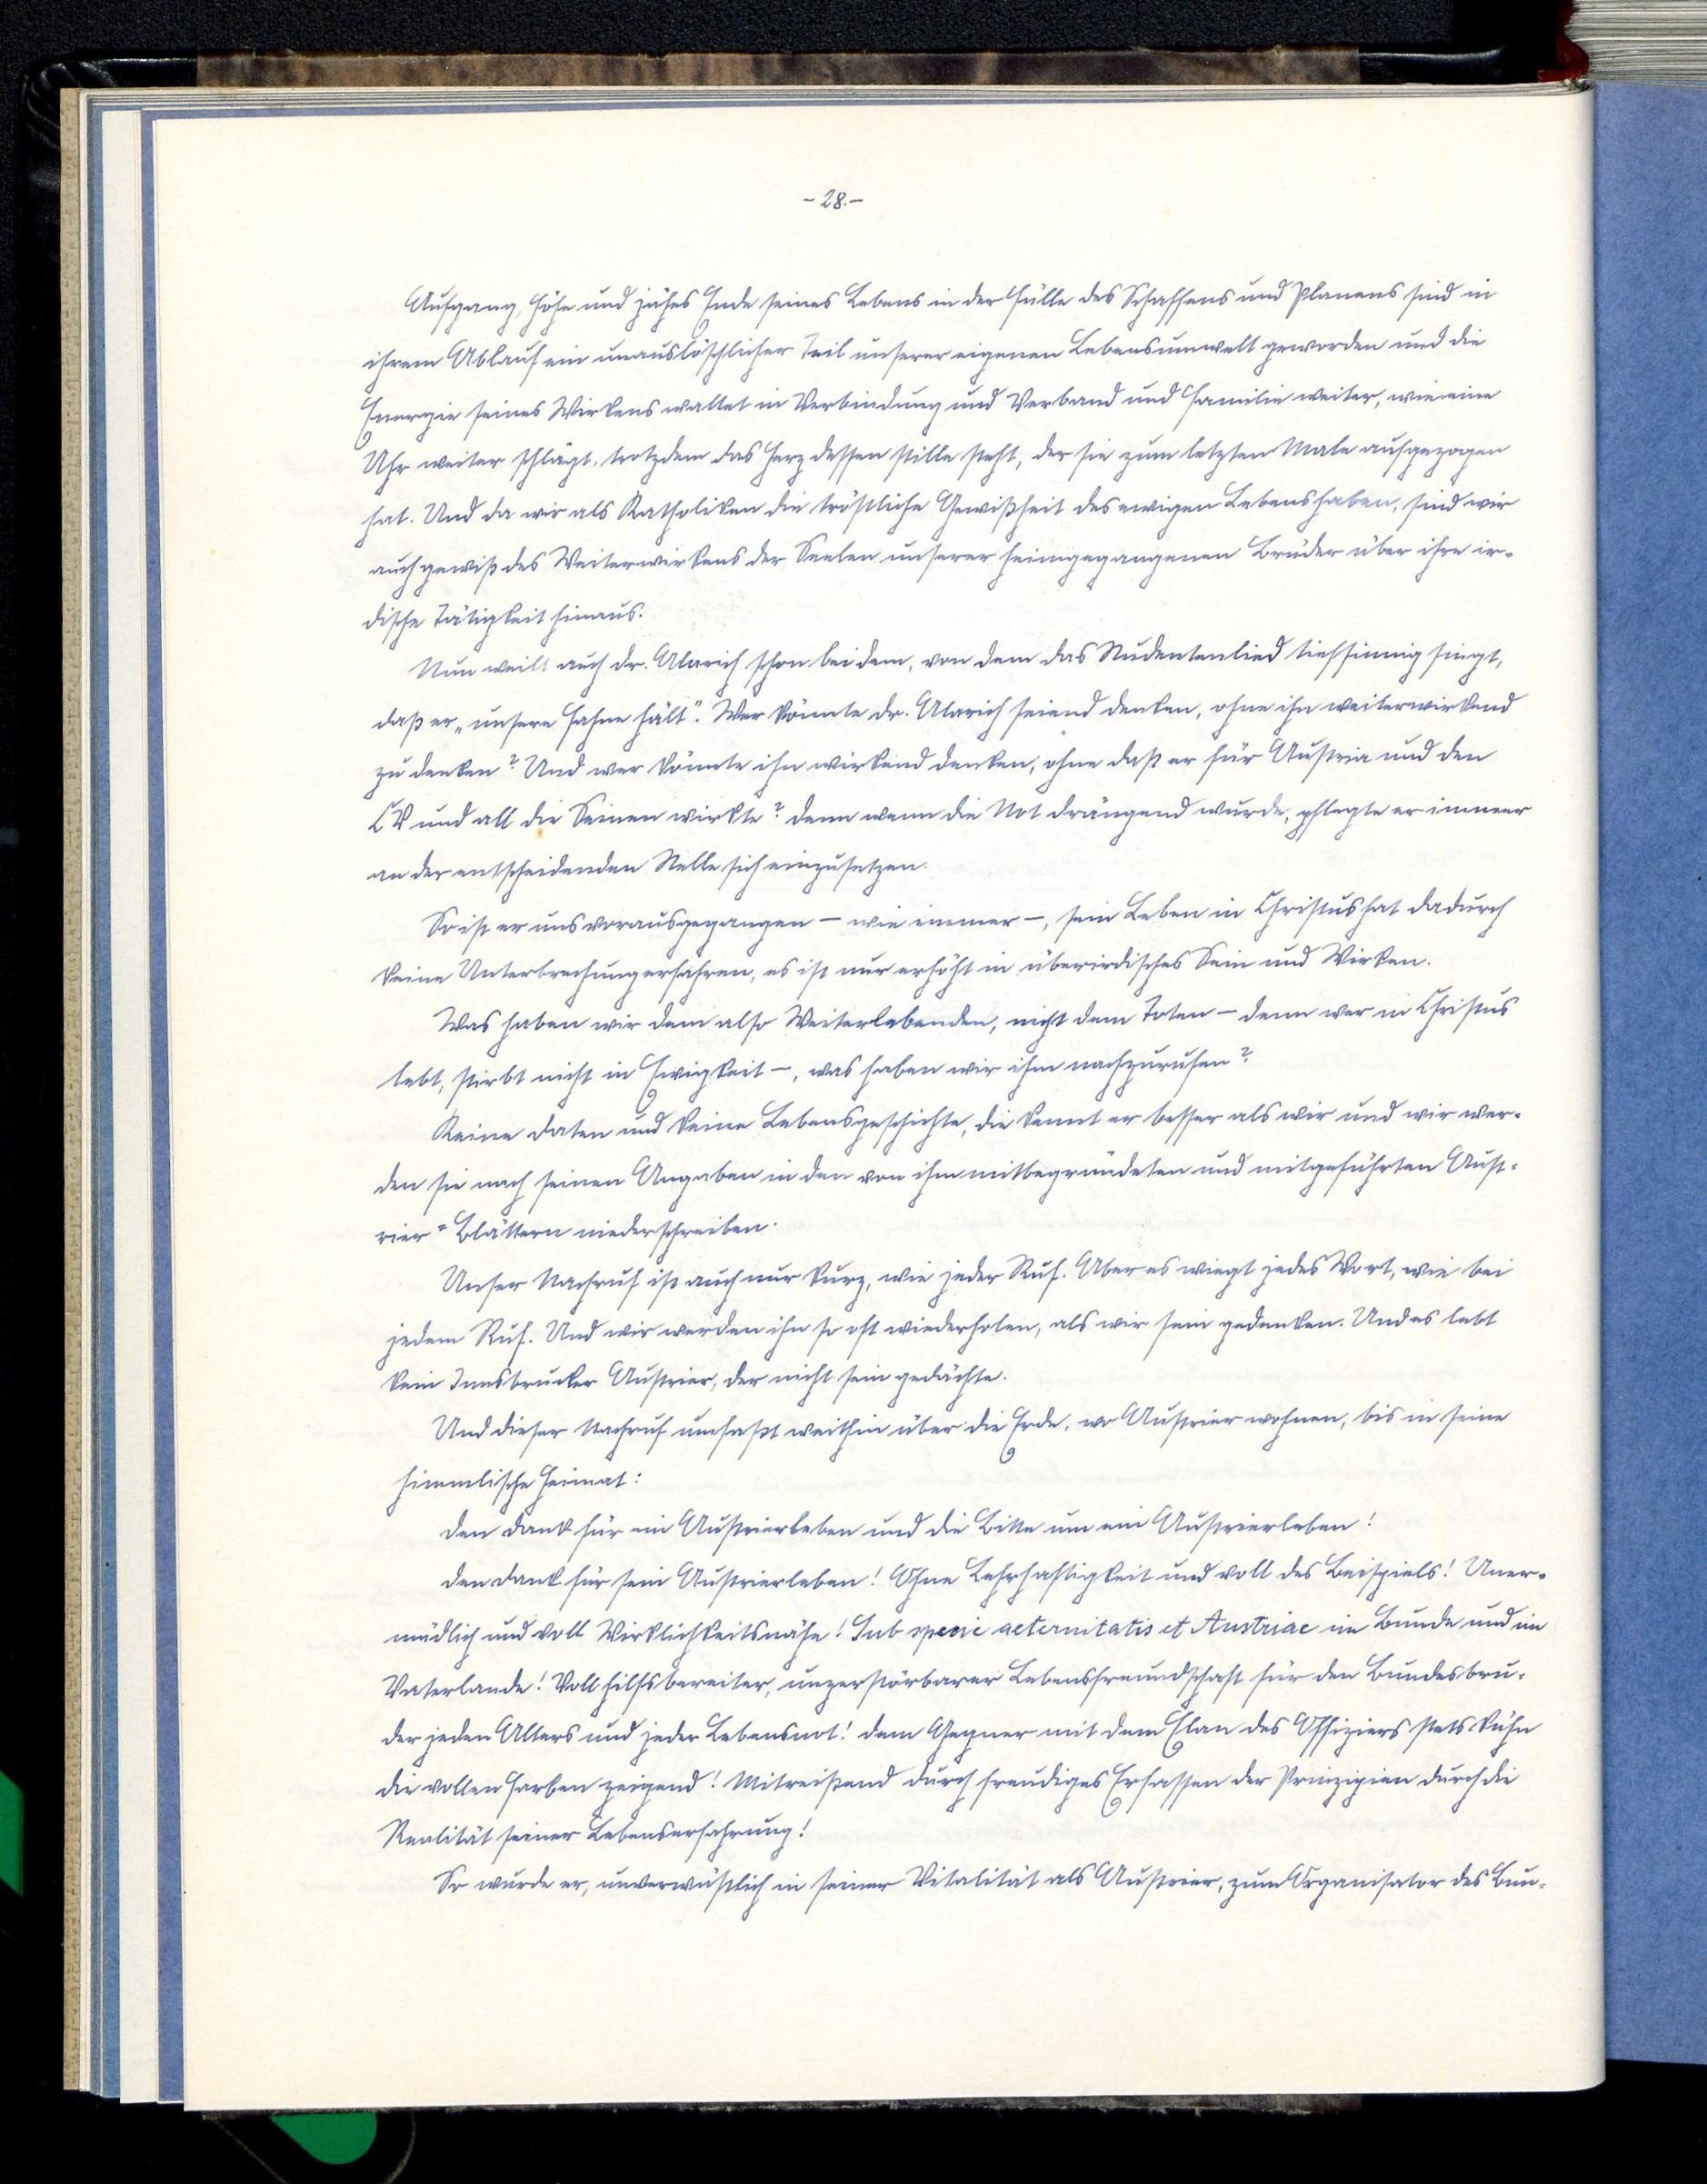28
Aufgang, Höhe und jähes Ende seines Lebens in der Fülle des Schaffens und Planens sind in
ihrem Ablauf ein unauslöschlicher Teil unserer eigenen Lebensumwelt geworden und die
Energie seines Wirkens waltet in Verbindung und Verband und Familie weiter, wie eine
Uhr weiter schlägt, trotzdem das Herz dessen stille steht, der sie zum letzten Male aufgezogen
hat. Und da wir als Katholiken die tröstliche Gewißheit des ewigen Lebens haben, sind wir
auch gewiß des Weiterwirkens der Seelen unserer heimgegangenen Brüder über ihre ir-
dische Tätigkeit hinaus.
Nun weilt auch schon Dr. Alarich schon bei dem, von dem das Studentenlied tiefsinnig singt,
daß er „unsere Fahne hält“. Wer könnte Dr. Alarich seiend denken, ohne ihn weiterwirkend
zu denken? Und wer könnte ihn wirkend denken, ohne dass er für Austria und den
CV und all die Seinen wirkte? Denn wenn die Not drängend wurde, pflegte er immer
an der entscheidenden Stelle sich einzusetzen.
So ist er uns vorausgegangen -wie immer-, sein Leben in Christus hat dadurch
keine Unterbrechung erfahren, es ist nur erhöht in überirdisches Sein und Wirken.
Was haben wir dem also Weiterlebenden, nicht dem Toten - denn wer in Christus
lebt, stirbt nicht in Ewigkeit -, was haben wir ihm nachzurufen?
Keine Daten und keine Lebensgeschichte, die kennt er besser als wir und wir wer-
den sie nach seinen Angaben in den von ihm mitbegründeten und mitgeführten Aust-
rier-Blättern niederschreiben.
Unser Nachruf ist auch nur kurz, wie jeder Ruf. Aber es wiegt jedes Wort, wie bei
jedem Beruf. Und wir werden ihn so oft wiederholen, als wir sein gedenken. Und es lebt
keine Innsbrucker Austrier, der nicht sein gedächte.
Und dieser Nachruf umfasst weithin über die Erde, wo Autrier wohnen, bis in seine
himmlische Heimat:
Den Dank für ein Austrierleben und die Bitte um ein Austrierleben!
Den Dank für sein Austrierleben! Ohne Lehrhaftigkeit und voll des Beispiels! Uner-
müdlich und voll Wirklichkeitsnähe! Sub specie aeternitatis et Austriae im Bunde und im
Vaterlande! Voll hilfsbereiter, unzerstörbarer Lebensfreundschaft für den Bundesbru-
der jeden Alters und jeder Lebensnot! Dem Gegner mit dem Elan des Offiziers stets kühn
die vollen Farben zeigend. Mitreißend durch freudiges Erfassen der Prinzipien durch die
Realität seiner Lebenserfahrung!
So wurde er, unverwüstlich in seiner Vitalität als Austrier zum Organisator des Bun-